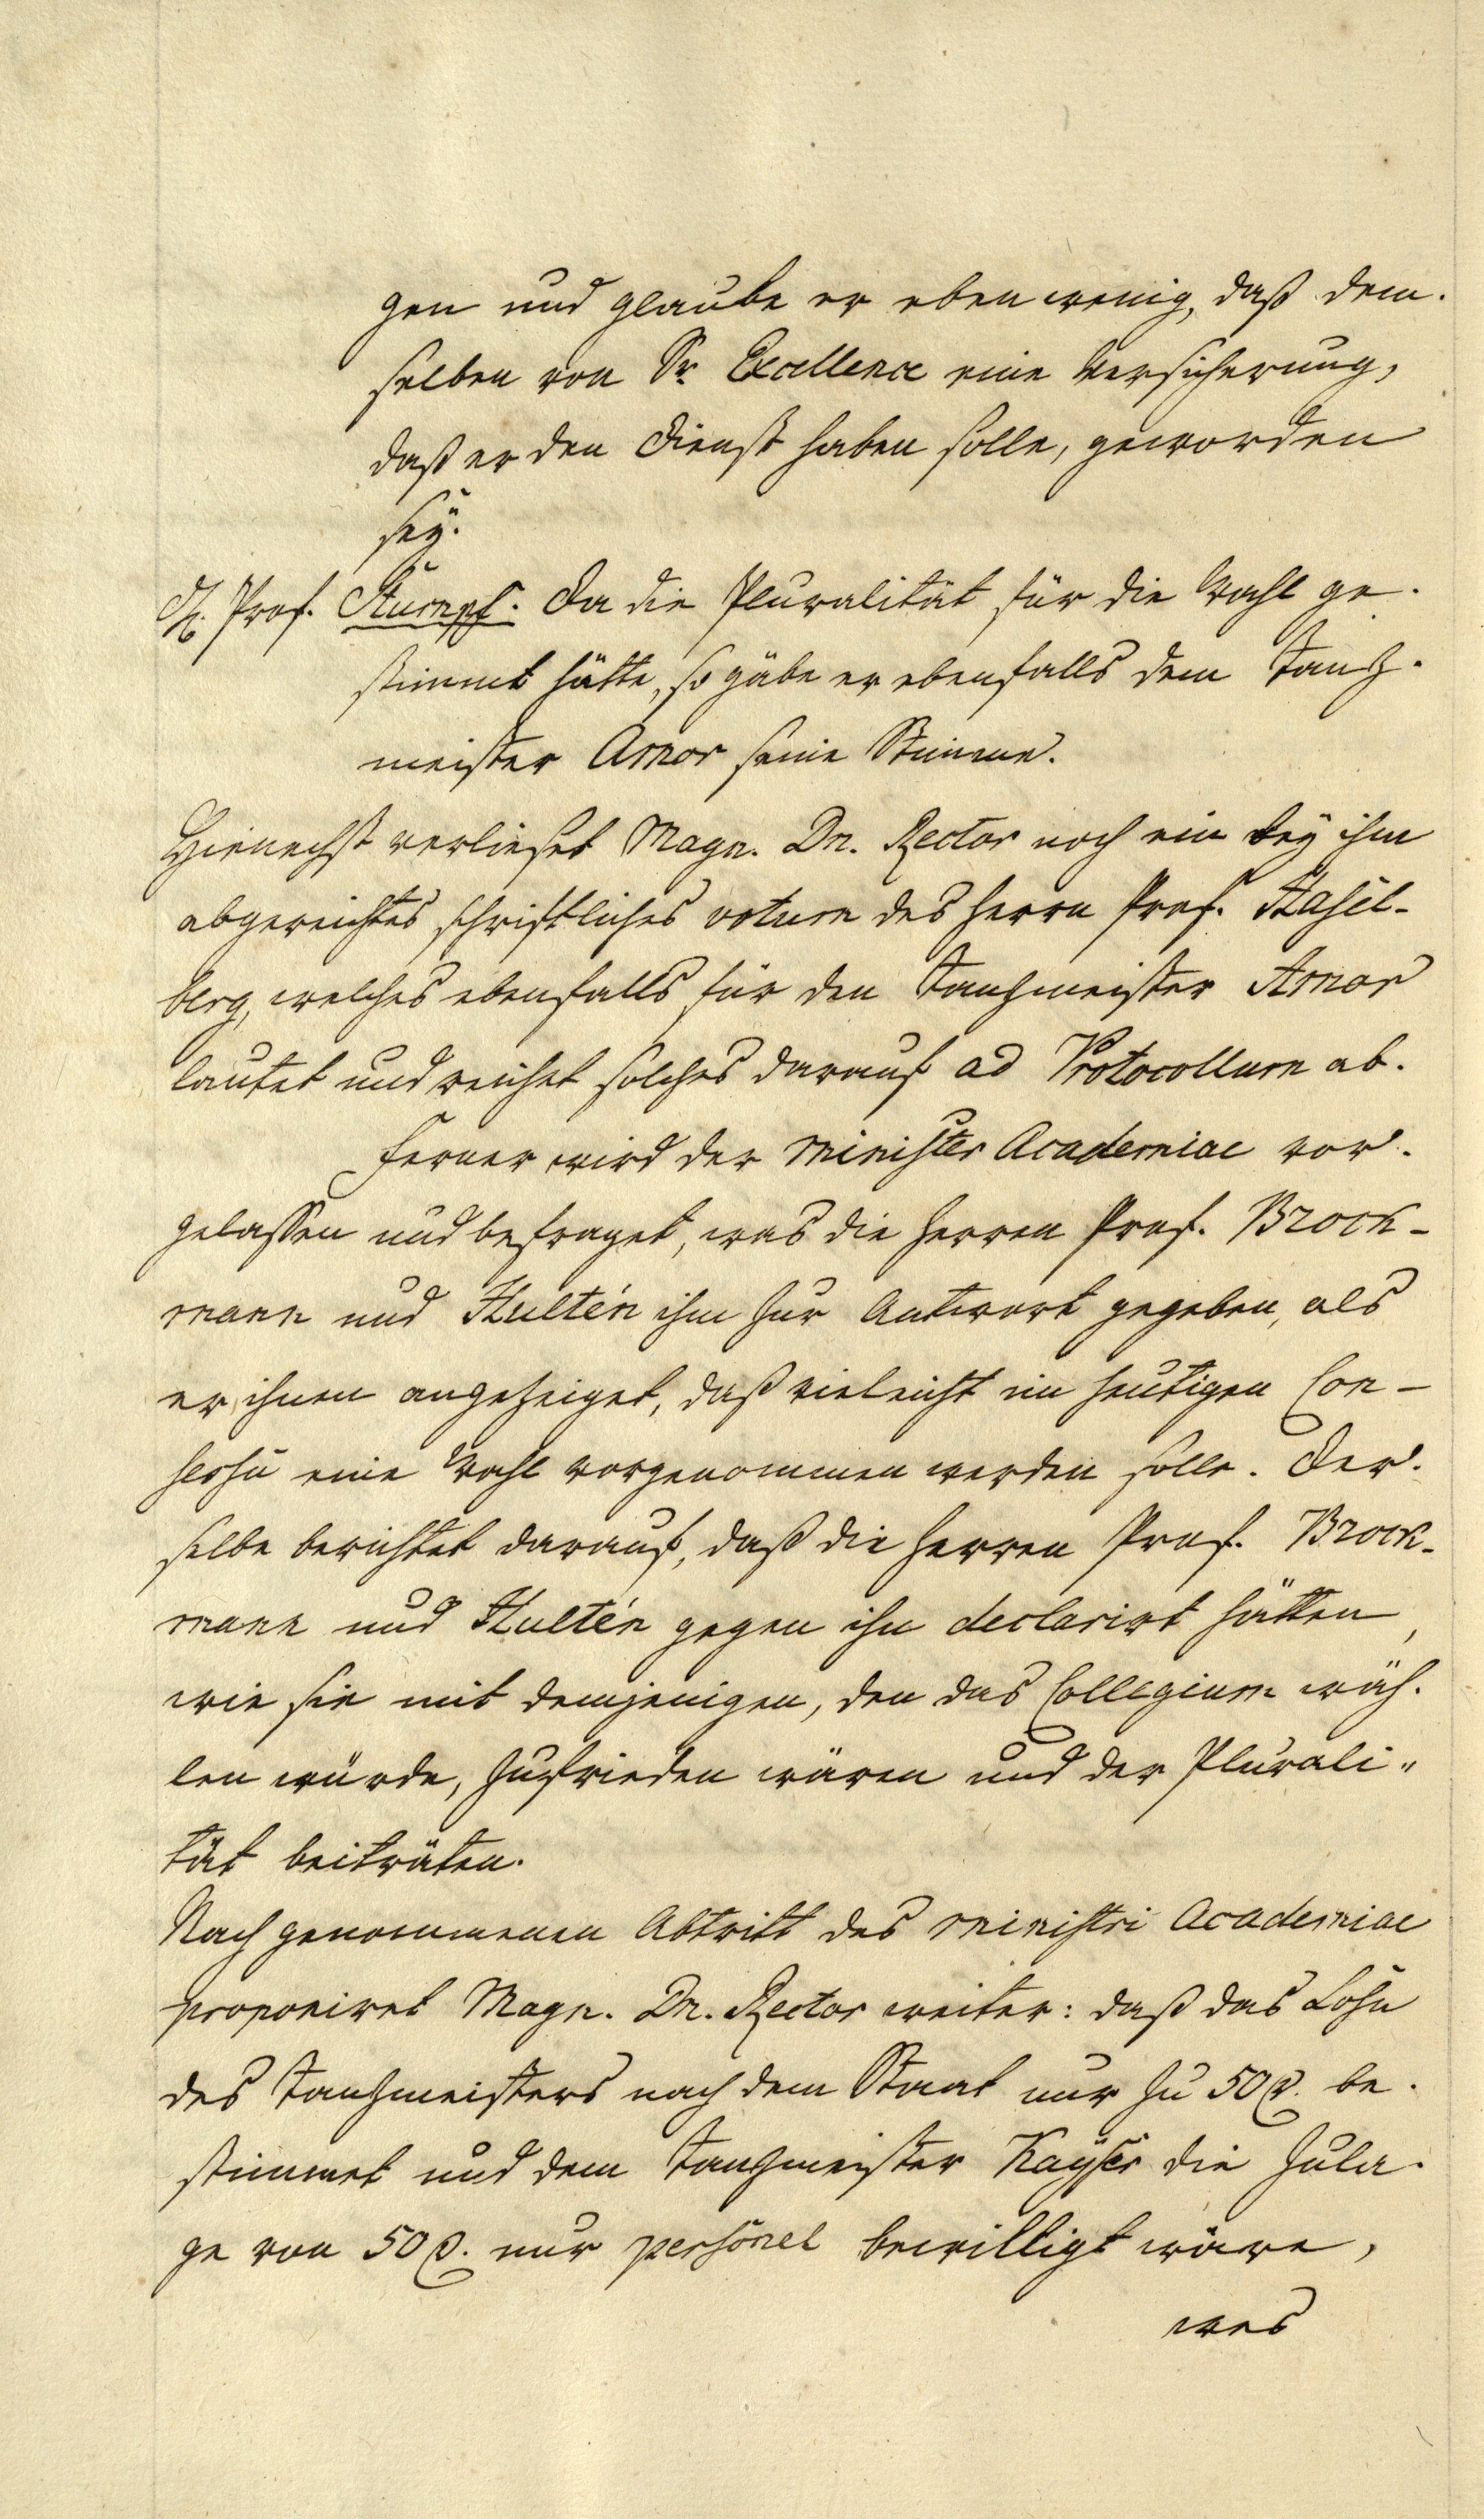gen und glaube er eben wenig, daß dem-
selben von Sr. Excellence eine Versicherung,
daß er den Dienst haben solle, geworden
sey.
dh. Prof. Stumpf. Da die Pluralität für die Wahl ge-
stimmt hätte, so gäbe er ebenfalls dem Tanz-
meister Amor seine Stimme.
Hienechst verlieset Magn. Dn. Rector noch ein bey ihm
abgereichtes schriftliches votum des herrn Prof. Hasel-
berg, welches ebenfalls für den Tanzmeister Amor
lautet und reichet solches darauf ad Protocollum ab.
Ferner wird der Minister Academiae vor-
gelassen und befraget, was die Herrn Prof. Brock-
mann und Hultén ihm zur Antwort gegeben, als
er ihnen angezeiget, daß vieleicht im heutigen Con-
sessu eine Wahl vorgenommen werden solle. Der-
selbe berichtet darauf, daß die herren Prof. Brock-
mann und Hultén gegen ihn declarirt hätten
wie sie mit demjenigen, den das Collegium wäh-
len würde, zufrieden wären und der Plurali-
tät beiträten.
Nach genommenen Abtritt des Ministri Academiae
proponiret Magn. Dn. Rector weiter: daß das Lohn
des Tanzmeisters nach dem Staat nur zu 50 rtl be-
stimmet und dem Tanzmeister Kayser die Zula-
ge von 50 rtl nur personel bewilligt wäre,
was